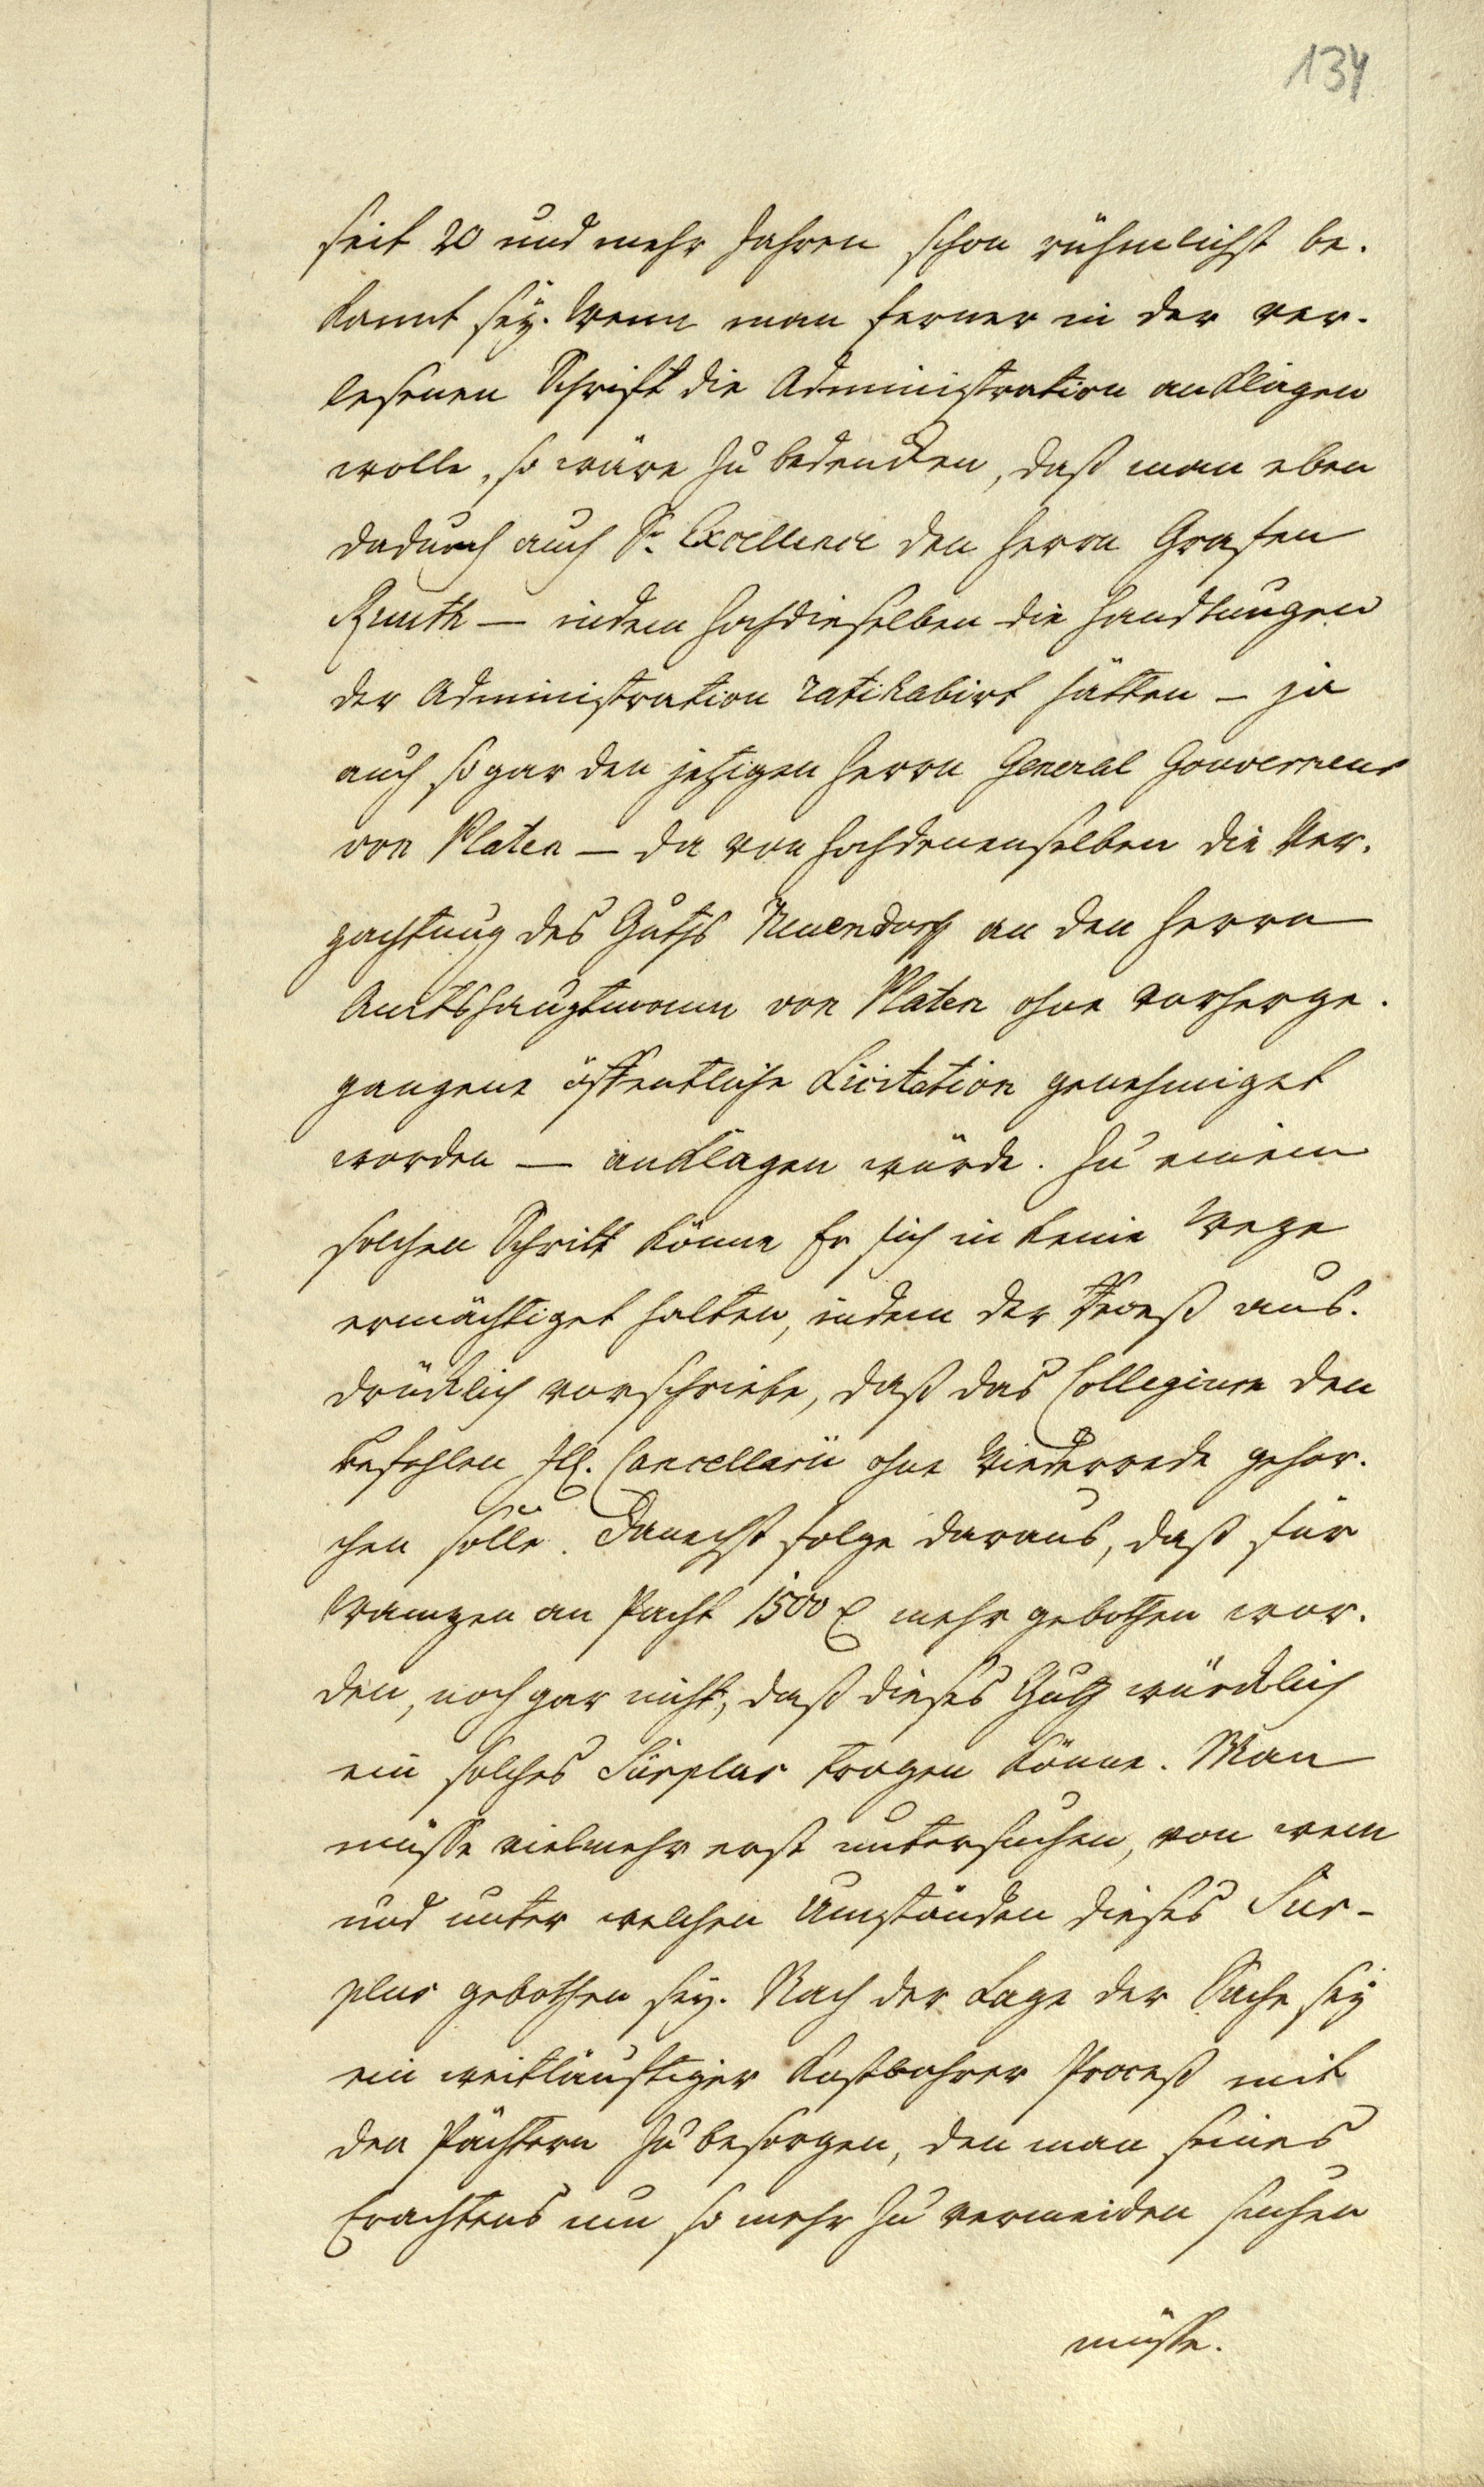seit 20 und mehr Jahren schon rühmlichst be¬
kannt seÿ. Wenn man ferner in der ver¬
lesenen Schrift die Administration anklagen
wolle, so wäre zu bedencken, daß man eben
dadurch auch Sr Excellence den Herrn Grafen
Ruuth indem Hochdieselben die Handlungen
der Administration ratihabirt hätten ja
auch sogar den jetzigen Herrn General Gouverneur
von Platen da von Hochdenenselben die Ver¬
pachtung des Guths Neuendorff an den Herrn
Amtshauptmnn von Platen von vorherge¬
gangene öffentliche Licitation genehmiget
worden anklagen würde. Zu einem
solchen Schritt könne Er sich in keine Wege
ermächtiget halten, indem der Receß aus¬
drücklich vorschriebe, daß das Collegium den
Befehlen Ill. Cancellarii ohne Wiederrede gehor¬
chen solle. Danechst folge daraus, daß für
Wampen an Pacht 1500 l mehr gebothen wor¬
den, noch gar nicht, daß dieses Guth würcklich
ein solches Sürplus tragen könne. Man
müsse vielmehr erst untersuchen, von wem
und unter welchen Umständen dieses Sür¬
plus gebothen seÿ. Nach der Lage der Sache seÿ
ein weitläuftiger kostbahrer Proceß mit
den Pächtern zu besorgen, den man seines
Erachtens um so mehr zu vermeiden suchen
müsse.